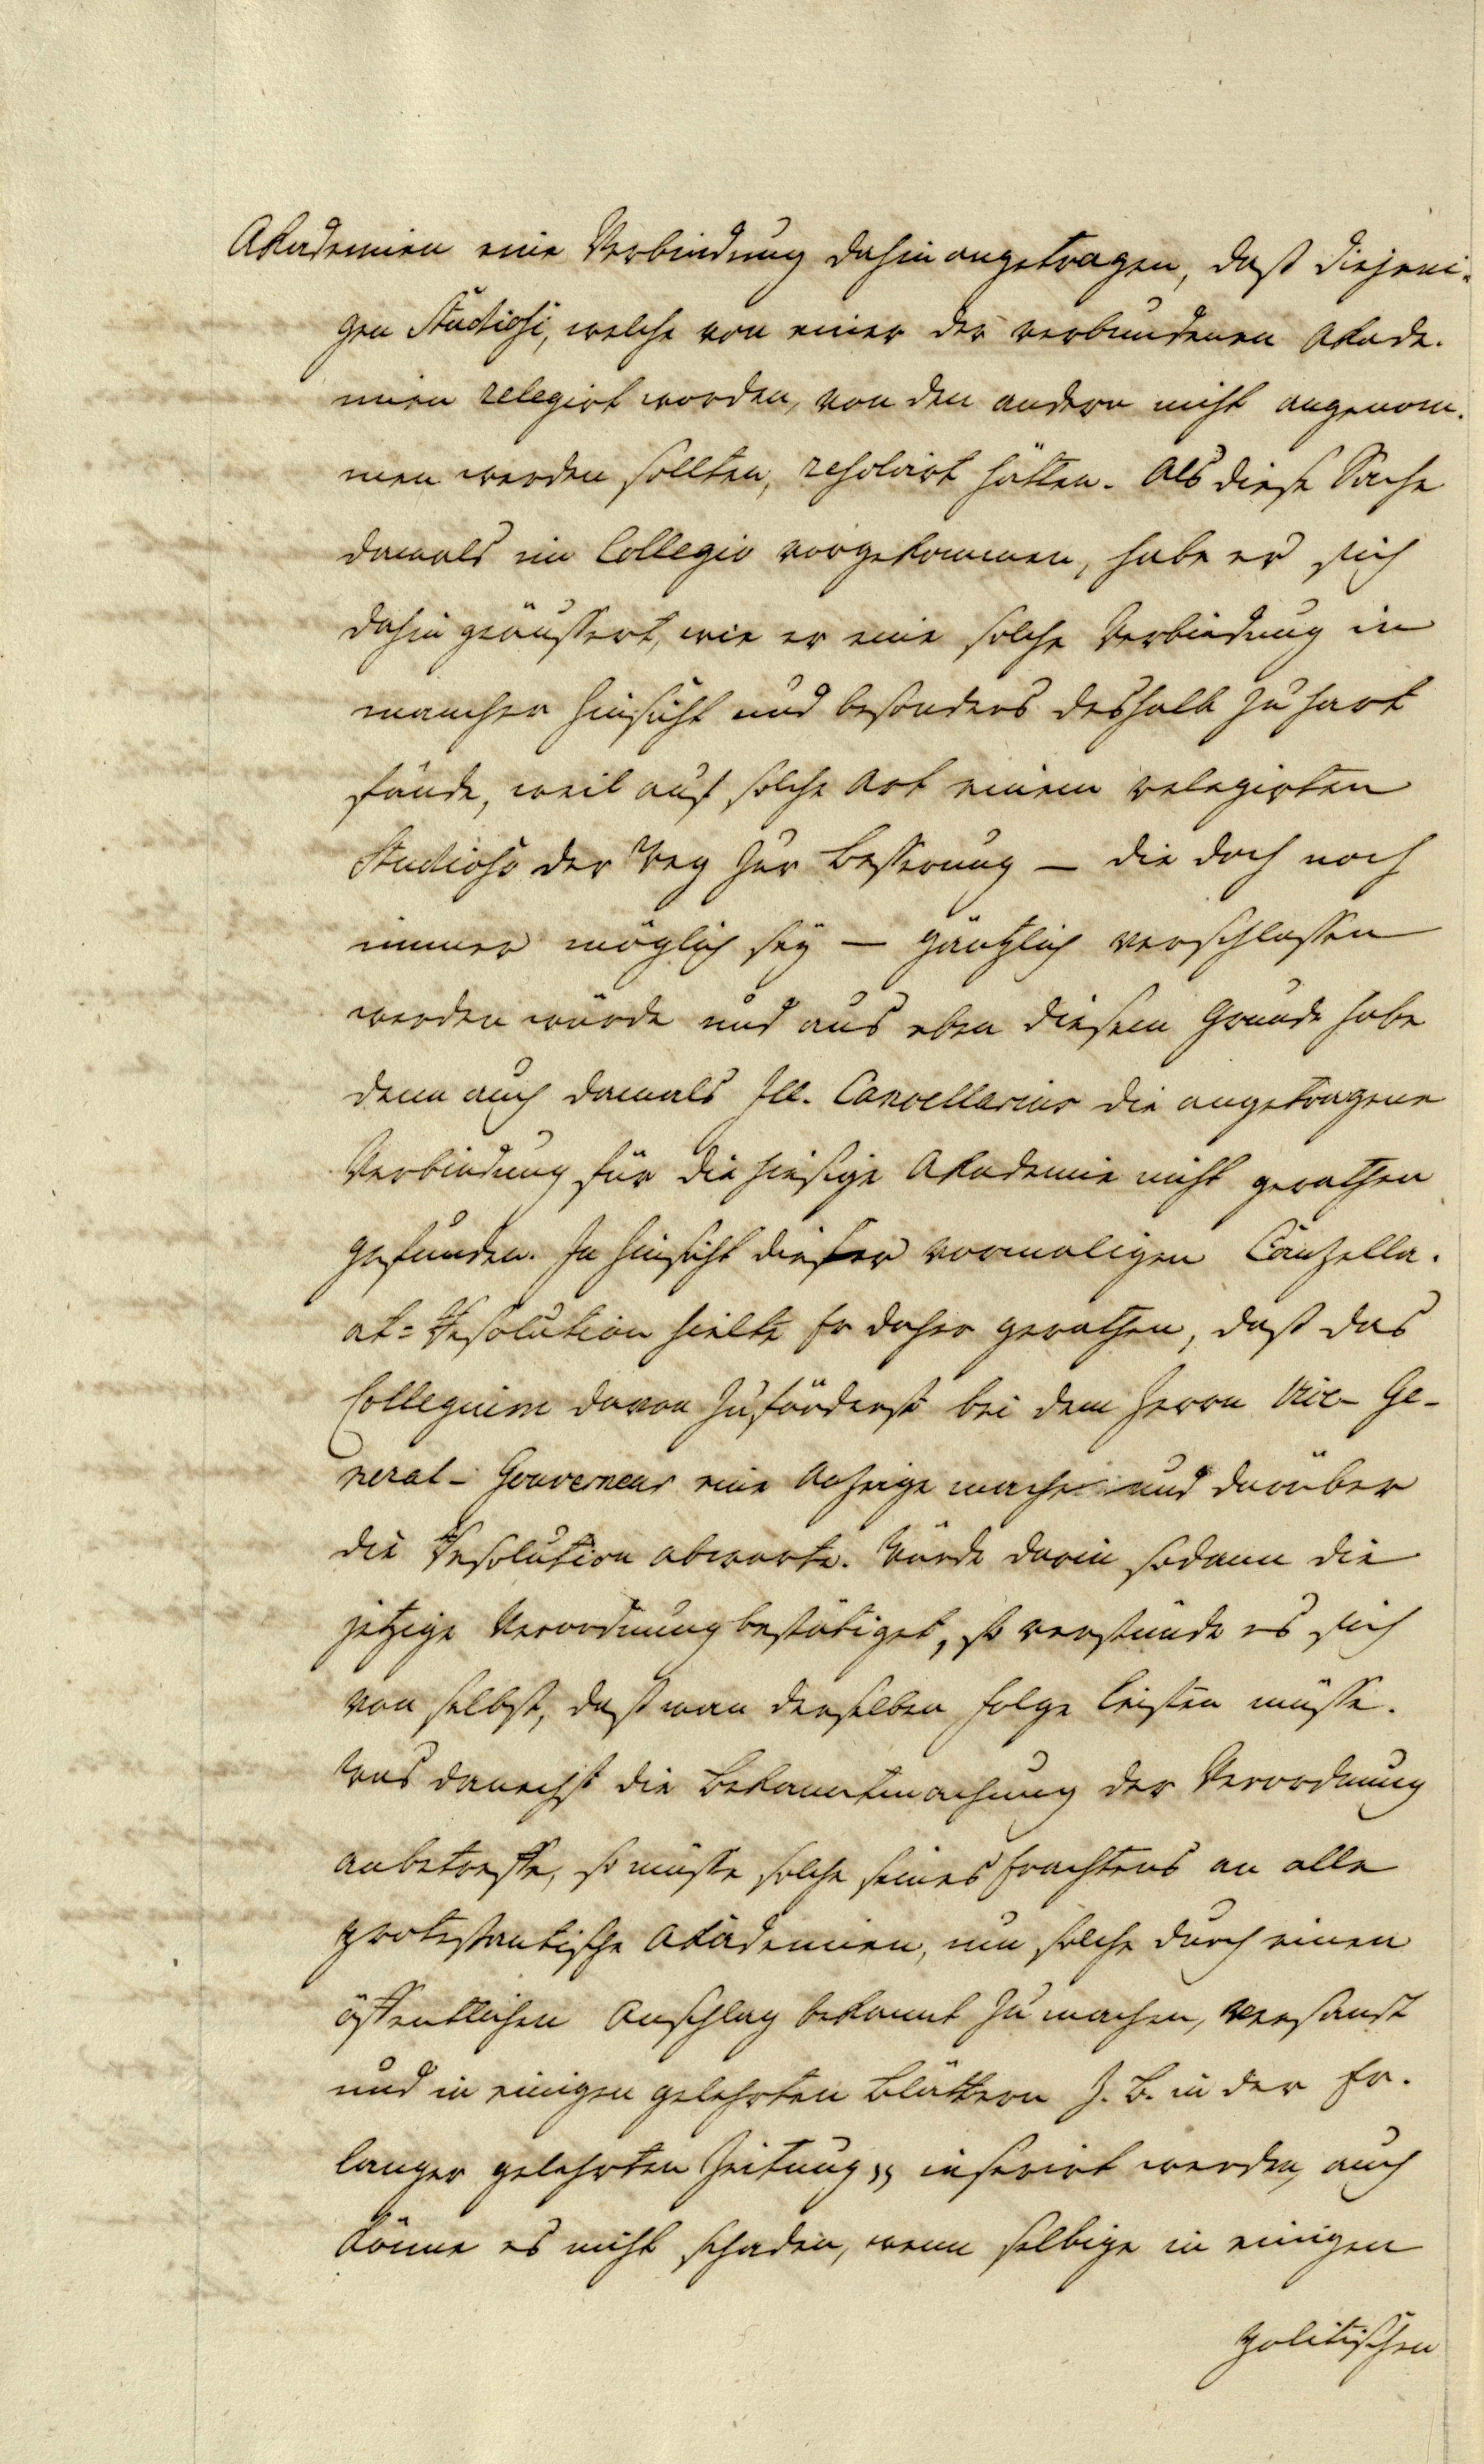Akademien eine Verbindung dahin angetragen, daß diejeni¬
gen Studiosi, welche von einer der verbundenen Akade¬
einen relegirt worden, von den andern nicht angenom¬
men werden sollten, resolvirt hätten. Als diese Sache
damals im Collegio vorgekommen, habe er sich
dahin geäussert, wie er eine solche Verbindung in
mancher Hinsicht und besonders deshalb zu hart
fände, weil auf solche Art einem relegirten
Studioso der Weg zur Besserung die doch noch
immer möglich seÿ gäntzlich verschlossen
werden würde und aus eben diesem Gründe habe
denn auch damals Ill. Cancellarius die angetragene
Verbindung für die hiesige Akademie nicht gerathen
gefunden. In Hinsicht dieser vormaligen Canzella¬
at- Resolution hielte Er daher gerathen, daß das
Collegium davon zuförderst bei dem Herrn Vice- Ge¬
neral- Gouverneur eine Anzeige mache und darüber
die Resolution abwarte. Würde darin sodann die
jetzige Verordnung bestätiget, so verstünde es sich
von selbst, daß man derselben Folge leisten müsse.
Was danechst die Bekanntmachung der Verordnung
anbetreffe, so müsse solche seines Erachtens an alle
protestantische Akademien, um solche durch einen
öffentlichen Anschlag bekannt zu machen, versandt
und in einigen gelehrten Blätterm z. B. in der Er¬
langer gelehrten Zeitung inserirt werden, auch
könne es nicht schaden, wenn selbige in einigen
politischen